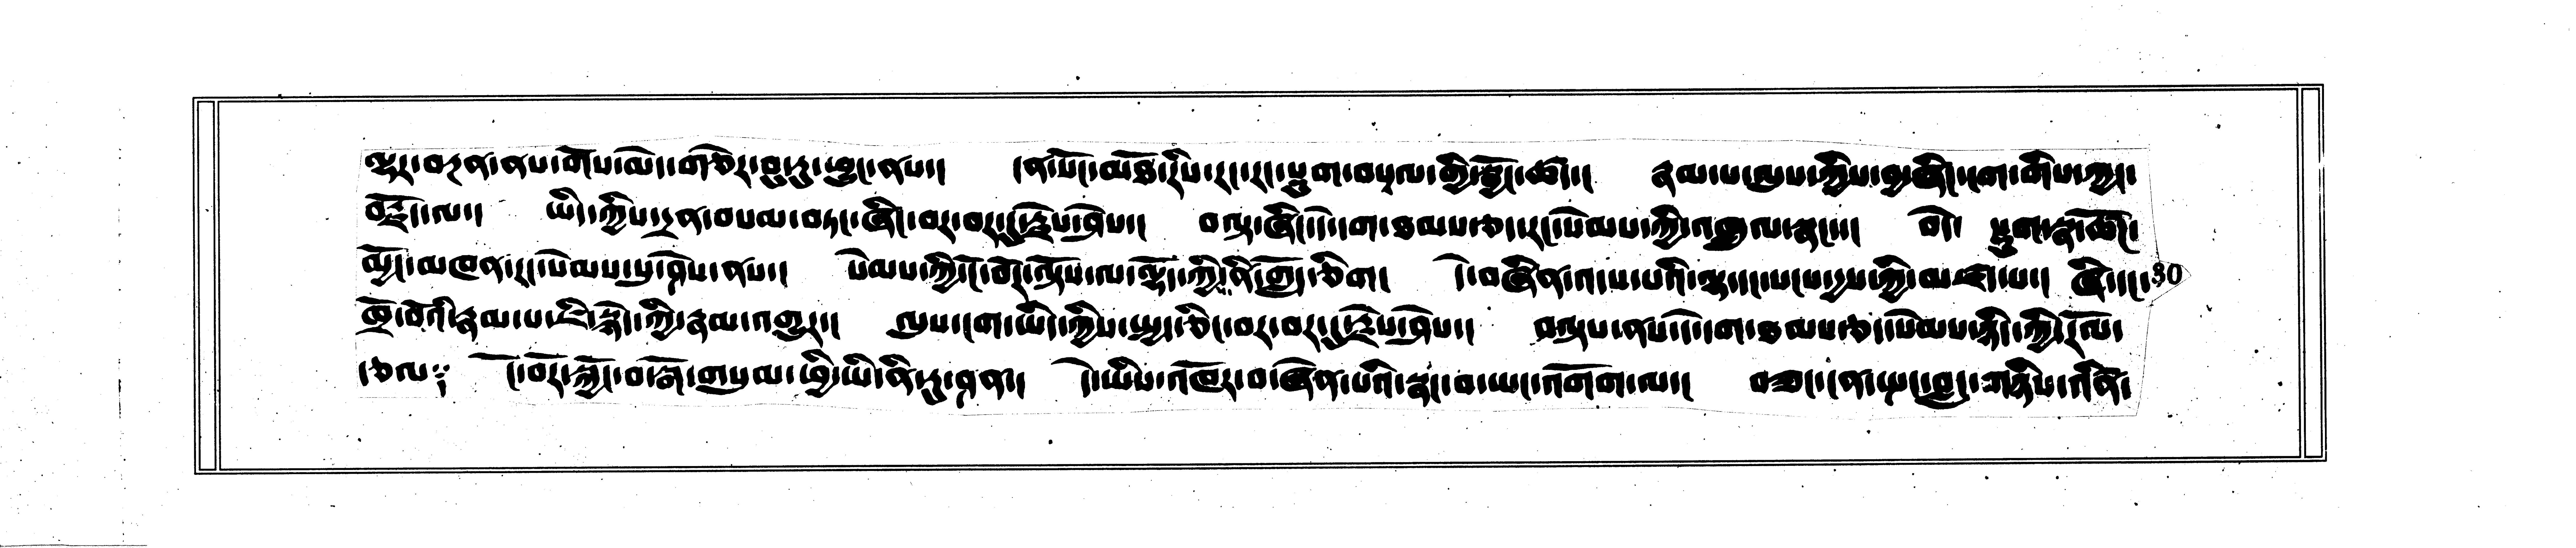ལྷར་བརྔན་ནས་གོས་མེད་གཅེར་བུ་རུ་ཕྱུང་ནས། །ངན་སོང་མཐོ་རིས་རང་རང་སྡུག་བསྔལ་གྱི་སྦྱོང་ཚད། །རྣམ་པ་ལུས་ཀྱིས་བྱ་ཞིང་ངག་གིས་ཀྱང་
བརྗོད་ལ། །ཡིད་ཀྱིས་དྲན་བསམ་བཏང་ཞིང་བར་བར་དུ་རྗེས་ཤེས། །བལྟ་ཞིང་དེ་དག་ཐམས་ཅད་རང་སེམས་ཀྱི་འཁྲུལ་སྣང་། །བདེ་སྡུག་སྣ་ཚོགས་
མྱོང་མཁན་རང་སེམས་སུ་ཤེས་ནས། །སེམས་ཀྱི་ངོ་བོར་ལྟོས་ལ་ལྷོད་ཀྱིས་ནི་གློད་ཅིག། དེ་བཞིན་འདས་པའི་ལྷ་དང་སངས་རྒྱས་ཀྱི་མཛད་པ། །ཞི་དང་
ཁྲོ་བོའི་རྣམ་པ་ཇི་སྙེད་ཀྱི་རྣམ་འགྱུར། །ལུས་ངག་ཡིད་ཀྱིས་སྤྱད་ཅིང་བར་བར་དུ་རྗེས་ཤེས། །བལྟས་ནས་དེ་དག་ཐམས་ཅད་སེམས་ཉིད་ཀྱི་རོལ་
རྩལ། །ངོ་བོར་སྐྱོང་བ་སྒོ་གསུམ་ཕྱི་ཡི་ནི་རུ་ཤན། །དེ་ཡིས་འཁོར་བར་ཞེན་པའི་སྣང་བ་ཡང་འགོག་ལ། །བཟང་ངན་སྤང་བླང་གཉིས་འཛིན་